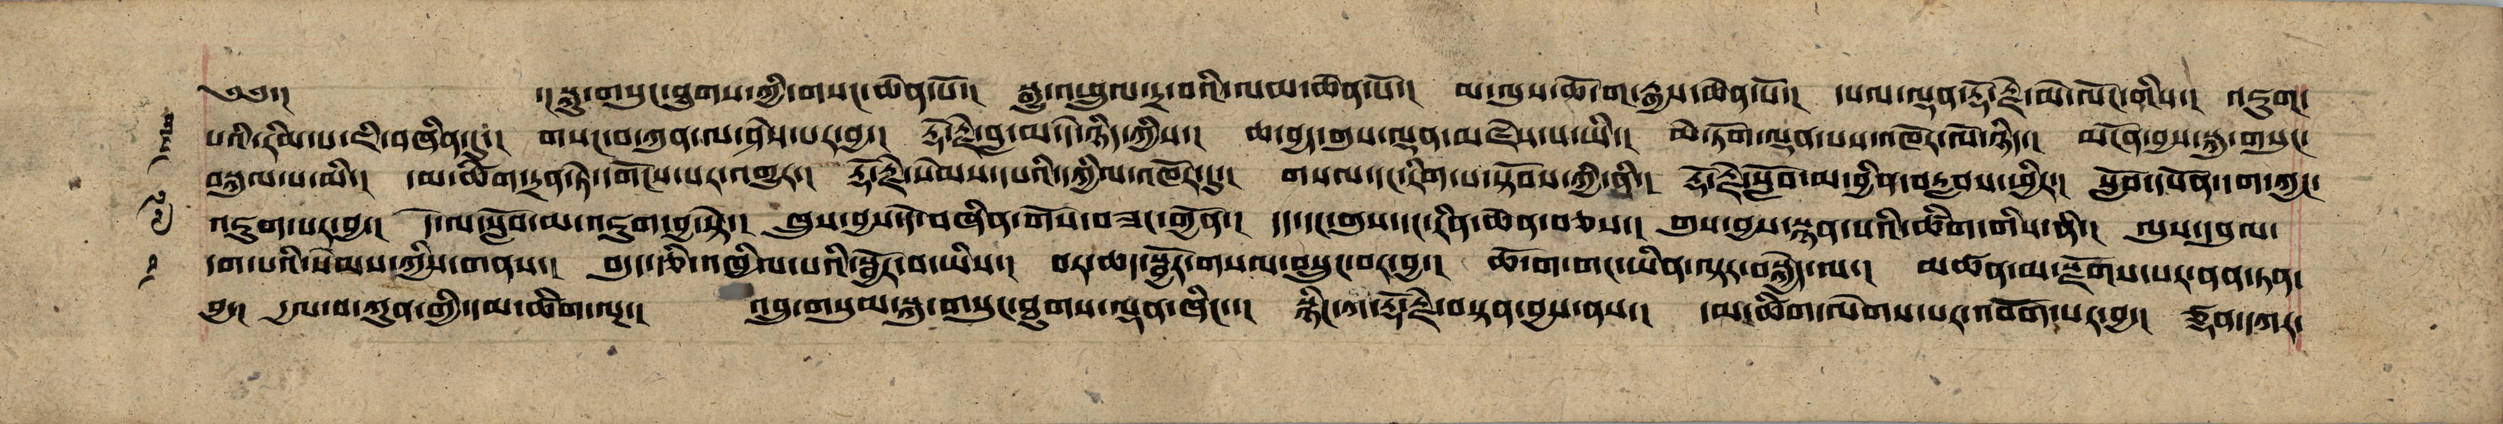༄༅་། ་།སྐུ་གསུང་ཐུགས་ཀྱི་གསང་ཆེན་པོ་། སྒྱུ་འཕྲུལ་དྲ་བའི་ལམ་ཆེན་པོ་། མ་ལུས་ཆོ་ག་རྒྱས་ཆེན་པོ་། དཔལ་ལྡན་རྡོ་རྗེ་མེ་ལོང་གིས་། འཇུག་
པའི་རིམ་པ་ཇི་བཞིན་དུ་། གསང་བ་ཀུན་ལ་ཤེས་པར་བྱ་། རྡོ་རྗེ་བླ་མ་དེ་ཉིད་ཀྱིས་། ཆ་བྱད་གུས་ལྡན་མཛེས་པ་ཡི་། མེ་ཏོག་ལྡན་པས་འཁོར་ལོ་ཉིད་། མངོན་བྱས་སྐུ་གསུང་
བསྐུལ་པ་མི་། དམ་ཚིག་དྲན་ཏེ་དགོངས་པར་འགྱུར་། རྡོ་རྗེ་སེམས་དཔའི་དཀྱིལ་འཁོར་དུ་། གསལ་དང་རིག་པ་སྟོབས་ཀྱི་ནི་། རྡོ་རྗེ་སློབ་མ་བྱིན་བརླབས་ཕྱིར་། སློབ་དཔོན་དག་ཀྱང་
འཇུག་པར་བྱ་། དེ་ལ་སློབ་མ་འཇུག་བྱ་སྟེ་། ཁྲུས་བྱས་དེ་བཞིན་གོས་བཟང་གྱོན་། དད་དང་གུས་དང་རིན་ཆེན་བཅས་། གུས་བྱས་སྙན་པའི་ཚིག་གིས་ནི་། ལུས་དབུལ་
དག་པའི་སེམས་ཀྱིས་གནས་། བདུད་རྩི་འཁྱིལ་པའི་སྦྱོར་བ་ཡིས་། བར་ཆད་སྦྱོར་གསལ་བསྲུང་བར་བྱ་། ཆོ་ག་གང་ཡིན་ལྟར་བསྐྱེད་ལ་། མཚན་མ་སྫོགས་པར་ནན་ཏན་
བྱ་། དྱལ་བ་ཀུན་གྱི་དམ་ཚིག་ལྔ་། འབྲུ་གསུམ་སྐུ་གསུང་ཐུགས་ལྡན་ཞིང་་། སྙིང་ཀ་རྡོ་རྗེ་བསྟན་བྱས་ནས་། དམ་ཚིག་ལེགས་པར་འབོག་པར་བྱ་། ཙྡན་དཀར་